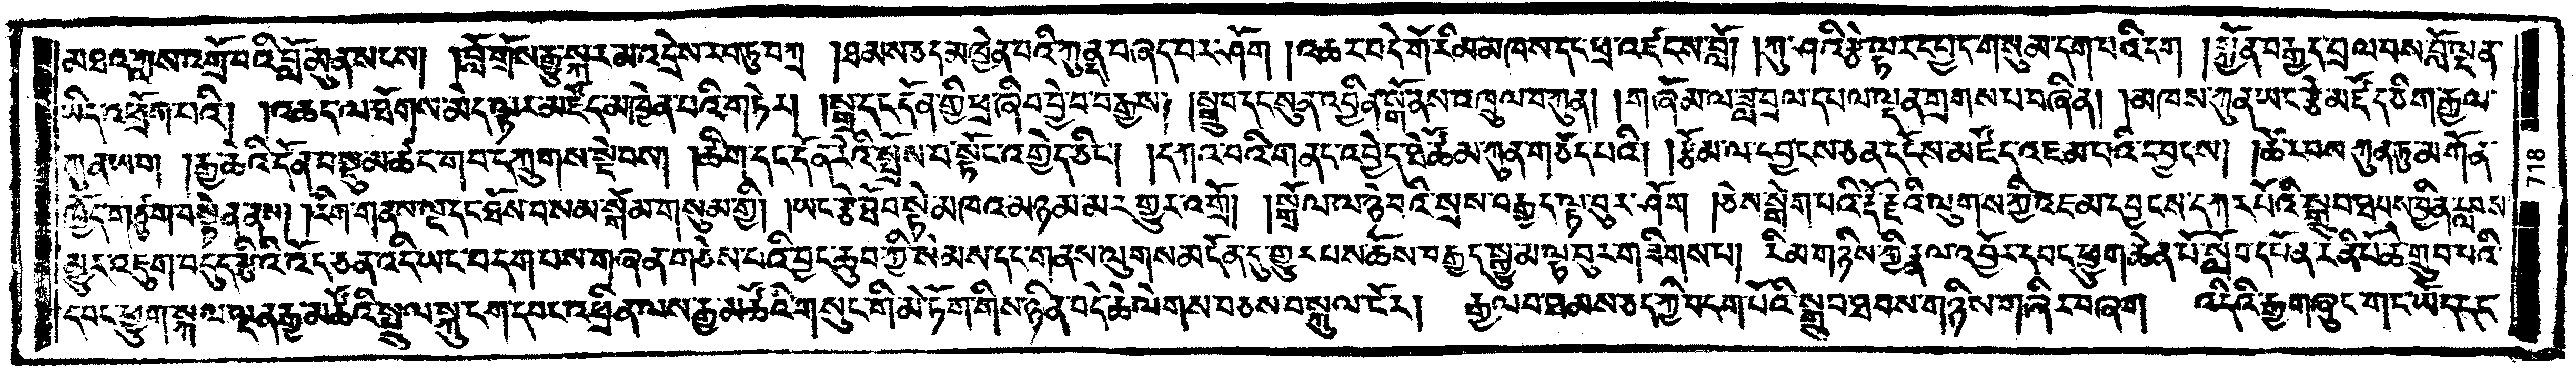མཐའ་ཀླས་འགྲོ་བའི་བློ་མུན་སངས། །བློ་གྲོས་རྒྱུ་སྐར་མ་འདྲེས་རབ་ཏུ་བཀྲ། ཐམས་ཅད་མཁྱེན་པའི་ཀུནྡ་བཞད་པར་ཤོག །འཆར་བདེ་གོ་རིམ་མཁས་དང་ཕྲ་འཛངས་བློ། །ཀུ་ཤའི་རྩེ་ལྟར་དཔྱད་གསུམ་དག་པའི་དག །སྐྱོན་བརྒྱད་བྲལ་པས་བློ་ལྡན་
ཡིད་འཕྲོག་པའི། །འཆད་ལ་ཐོགས་མེད་ལྟར་མཛོད་མཁྱེན་པའི་གཏེར། །སྒྲ་དང་དོན་གྱི་ཕྲ་ཞིབ་བྱེ་བ་བརྒྱས། །སྒྲུབ་དང་སུན་འབྱིན་སྒོ་ནས་འཁྲུལ་བ་ཀུན། །གཞོམ་ལ་ཟླ་བྲལ་དཔལ་ལྡན་གྲགས་པ་བཞིན། །མཁས་ཀུན་ཡང་རྩེ་མཛོད་ཅིག་རྒྱལ་
ཀུན་ཡབ། །རྒྱ་ཆེའི་དོན་བསྡུ་མཚང་གབ་དཀྲུགས་སྔེབས། །ཚིག་དང་དོན་རེའི་སྤྲོས་བ་སྟོང་འགྱེད་ཅིང་། །དཀའ་བའི་གནང་འབྱེད་ཐེ་ཚོམ་ཀུན་གཅོད་པའི། །རྩོམ་ལ་དབྱངས་ཅན་དངོས་མཛོད་འཇམ་པའི་དབྱངས། །ཚེ་རབས་ཀུན་ཏུ་མགོན་
ཁྱོད་གཙུག་བསྟེན་ནས། །རིག་གནས་ལྔ་དང་ཐོས་བསམ་སྐོམ་གསུམ་གྱི། །ཡང་རྩེ་ཐོབ་སྟེ་མཁའ་མཉམ་མར་གྱུར་འགྲོ། །གྲོལ་ལ་ཉེ་བའི་སྲས་བརྒྱད་ལྟ་བུར་ཤོག །ཅེས་སྒེག་པའི་རྡོ་རྗེའི་ལུགས་ཀྱི་འཇམ་དབྱངས་དཀར་པོའི་སྒྲུབ་ཐབས་བྱིན་བླངས་
རྒྱུར་འཇུག་བདུད་རྩིའི་འོད་ཅན་འདི་ཡང་བདག་པས་གཞན་གཅེས་པའི་བྱང་ཆུབ་ཀྱི་སེམས་དང་གནས་ལུགས་མདོན་དུ་གྱུར་པས་ཆོས་བརྒྱད་སྒྱུ་མ་ལྟ་བུར་གཟིགས་པ། རིམ་གཉིས་ཀྱི་རྣལ་འབྱོར་དབང་ཕྱུག་ཆེན་པོ་སློབ་དཔོན་རིན་པོ་ཆེ་གྲུབ་པའི་
དབང་ཕྱུག་སྐལ་ལྡན་རྒྱ་མཚོའི་སྤྲལ་སྐུ་ངག་དབང་འཕྲིན་ལས་རྒྱ་མཚོའི་གསུང་གི་མེ་ཏོག་གིས་ཉིན་བདེ་ཆེ་ལེགས་བཅས་བ་སྐུལ་ངོར། རྒྱལ་བ་ཐམས་ཅད་ཀྱི་བདག་པོའི་སྒྲུབ་ཐབས་གཉིས་གཞིར་བཞག་འདིའི་རྒྱ་གཞུང་གང་ཡོད་དང་